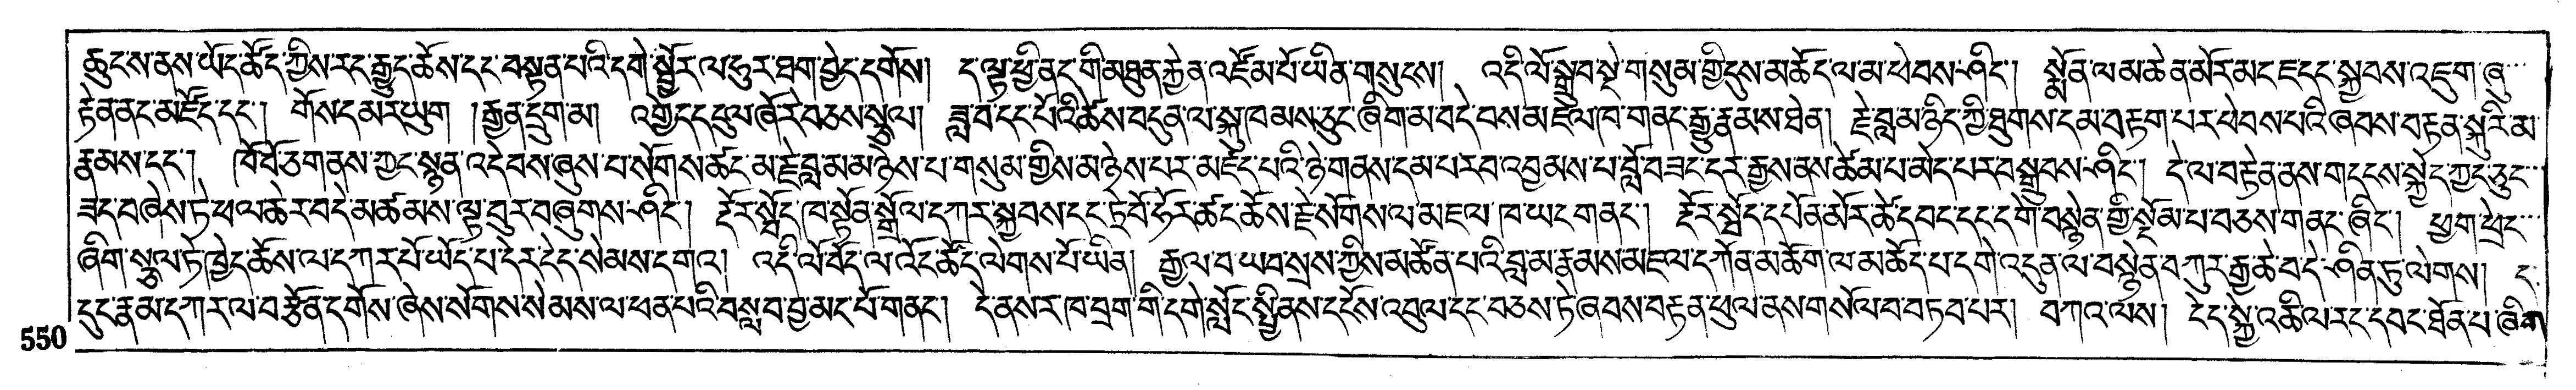ཆུང་ས་ནས་ཡོད་ཚོད་ཀྱིས་རང་རྒྱུད་ཆོས་དང་བསྟུན་པའི་དགེ་སྦྱོར་ལ་ཧུར་ཐག་བྱེད་དགོས། ད་ལྟ་ཕྱི་ནང་གི་མཐུན་རྐྱེ་ན་འཛོམ་པོ་ཡིན་གསུངས། འདི་ལོ་སྒྲུབ་སྡེ་གསུམ་གྱི་དུས་མཆོད་ལ་མ་ཕེབས་ཤིང་། སྨོན་ལམ་ཆེན་མོར་མང་ཇ་དང་སྐྱབས་འདུག་ཞུ་
རྟེན་ནང་མཛོད་དང་། གོས་དམར་ཡུག །རྒྱན་དྲུག་མ། འགྱེད་དངུལ་ཞོ་རྗེ་བཅས་སྩལ། ཟླ་བ་དང་པོའི་ཆོས་བདུན་ལ་སྐུ་ཁམས་ཅུང་ཞིག་མ་བདེ་བས་མཇལ་ཁ་གནང་རྒྱུ་རྣམས་ཐེན། རྗེ་བླ་ཉིད་ཀྱི་ཐུགས་དམ་བརྟག་པར་ཕེབས་པའི་ཞབས་བརྟན་སྐུ་རིམ་
རྣམས་དང་། ཁོ་བོ་ཅག་ནས་ཀྱང་སྙན་འདེབས་ཞུས་པ་སོགས་ཚང་མ་རྗེ་བླ་མ་མཉེས་པ་གསུམ་གྱིས་མཉེས་པར་མཛད་པའི་ཉེ་གནས་དམ་པ་རབ་འབྱམས་པ་བློ་བཟང་དར་རྒྱས་ནས་ཚེམ་པ་མེད་པར་བསྒྲུབས་ཤིང་། དེ་ལ་བརྟེན་ནས་གདངས་སྐྱེད་ཀྱང་ཅུང་
ཟང་བཞེས་ཏེ་ཕལ་ཆེར་བདེ་མཚམས་ལྟ་བུར་བཞུགས་ཤིང་། རྡོར་སྦོད་ཁ་སྟོན་སྒྲོལ་དཀར་སྐྱབས་དང་ཏྲེ་བོ་ཧོར་ཚང་ཆོས་རྗེ་སོགས་ལ་མཇལ་ཁ་ཡང་གནང་། རྡོར་སྦོད་དཔོན་མོར་ཚེ་དབང་དང་དགེ་བསྙེན་གྱི་སྔོམ་པ་བཅས་གནང་ཞིང་། ཕྱག་ཕྲེང་
ཞིག་སྩལ་ཏེ་ཁྱེད་ཆོས་ལ་དཀར་པོ་ཡོད་པ་ངེར་ངེང་སེམས་དགའ། འདི་ལོ་བོད་ལ་འོང་ཚོད་ལེགས་པོ་ཡིན། རྒྱལ་བ་ཡབ་སྲས་ཀིས་མཚོན་པའི་བླ་མ་རྣམས་མཇལ་དཀོན་མཆོག་ལ་མཆོད་པ་དགེ་འདུན་ལ་བསྙེན་བཀུར་རྒྱ་ཆེ་བདེ་ཤིན་ཏུ་ལེགས། ད་
དུད་རྣམ་དཀར་ལ་བརྩོན་དགོས་ཞེས་སོགས་སེམས་ལ་ཕན་པའི་བསླབ་བྱ་མད་པོ་གནང་། དེ་ནས་ར་ཁ་བྲག་གི་དགེ་སློང་སྦྱི་ནས་དངོས་འབུལ་དད་བཅས་ཏེ་ཞབས་བརྟན་ཕུལ་ནས་གསོལ་བ་བཏབ་པར། བཀའ་ལས། ངེས་སྐྱེ་འཆི་ལ་རང་དབང་ཐོབ་པ་ཞིག་